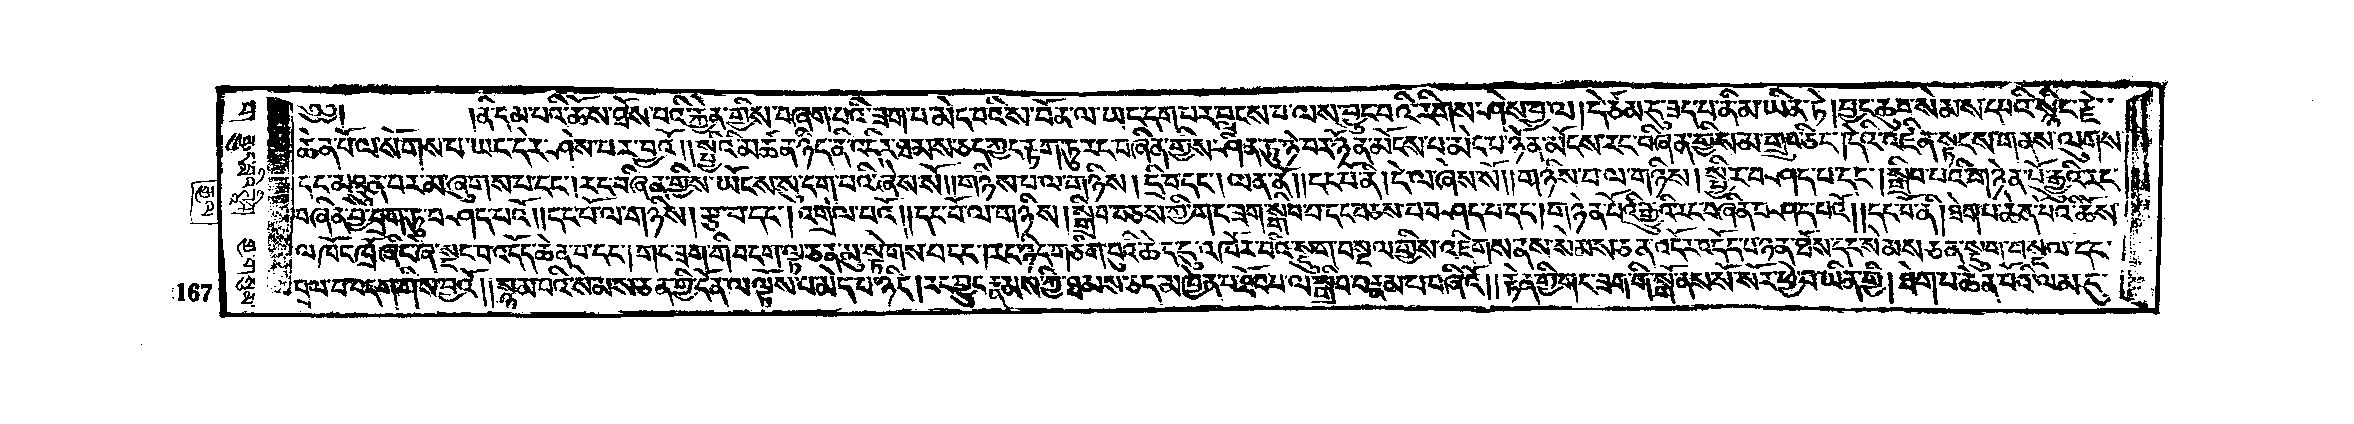༄༅། །ནི་དམ་པའི་ཆོས་ཐོས་པའི་རྐྱེན་གྱིས་བཞག་པའི་ཟག་པ་མེད་པའི་ས་བོན་ལ་ཡང་དག་པར་བླངས་པ་ལས་བྱུང་བའི་རིགས་ཤེས་བྱ་ལ། དེ་ཙམ་དུ་ཟད་པ་ནི་མ་ཡིན་ཏེ། བྱང་ཆུབ་སེམས་དཔའི་སྙིང་རྗེ་
ཆེན་པོ་ལ་སོགས་པ་ཡང་དེར་ཤེས་པར་བྱའོ། །སྤྱིའི་མཚན་ཉིད་ནི་འདིར་ཐམས་ཅད་ཀྱང་རྟག་ཏུ་རང་བཞིན་གྱིས་ཤིན་ཏུ་ཉེ་བར་ཉོན་མོངས་པ་མེད་པ་ཉོན་མོངས་རང་བཞིན་གྱིས་མ་གྲུབ་ཅིང་། དེའི་འཛིན་སྟངས་གནས་ལུགས་
དང་མཐུན་པར་མ་ཞུགས་པ་དང་། རང་བཞིན་གྱིས་ཡོངས་སུ་དག་པའི་ཞེས་སོ། །གཉིས་པ་ལ་གཉིས། དྲི་བ་དང་། ལན་ནོ། །དང་པོ་ནི། དེ་ལ་ཞེས་སོ། །གཉིས་པ་ལ་གཉིས། སྤྱིར་བཤད་པ་དང་། སྒྲིབ་པའི་གཉེན་པོ་རྒྱུའི་རང་
བཞིན་བྱེ་བྲག་ཏུ་བཤད་པའོ། །དང་པོ་ལ་གཉིས། རྩ་བ་དང་། འགྲེལ་པའོ། །དང་པོ་ལ་གཉིས། སྒྲིབ་བཅས་ཀྱི་གང་ཟག་སྒྲིབ་པ་དང་བཅས་པ་བཤད་པ་དང་། གཉེན་པོའི་རྒྱུའི་རང་བཞིན་བཤད་པའོ། །དང་པོ་ནི། ཐེག་པ་ཆེན་པོའི་ཆོས་
ལ་ཁོང་ཁྲོ་ཞིང་ཞེ་སྡང་བ་འདོད་ཆེན་པ་དང་། གང་ཟག་གི་བདག་ལྟ་ཅན་མུ་སྟེགས་པ་དང་། རང་ཉིད་གཅིག་བུའི་ཆེད་དུ་འཁོར་བའི་སྡུག་བསྔལ་གྱིས་འཇིགས་ནས་སེམས་ཅན་འདོར་འདོད་པ་ཉན་ཐོས་དང་སེམས་ཅན་སྡུག་བསྔལ་དང་
བྲལ་བ་བདག་གིས་བྱའོ། །སྙམ་པའི་སེམས་ཅན་གྱི་དོན་ལ་ལྟོས་པ་མེད་པ་ཉིད། རང་བྱུང་རྣམས་ཀྱི་ཐམས་ཅད་མཁྱེན་པ་ཐོབ་པ་ལ་སྒྲིབ་པ་རྣམ་པ་བཞིའོ། །རྟེན་གྱི་གང་ཟག་གི་སྒོ་ནས་སོ་སོར་ཕྱེ་བ་ཡིན་གྱི་།ཐེག་པ་ཆེན་པོའི་ལམ་དུ་